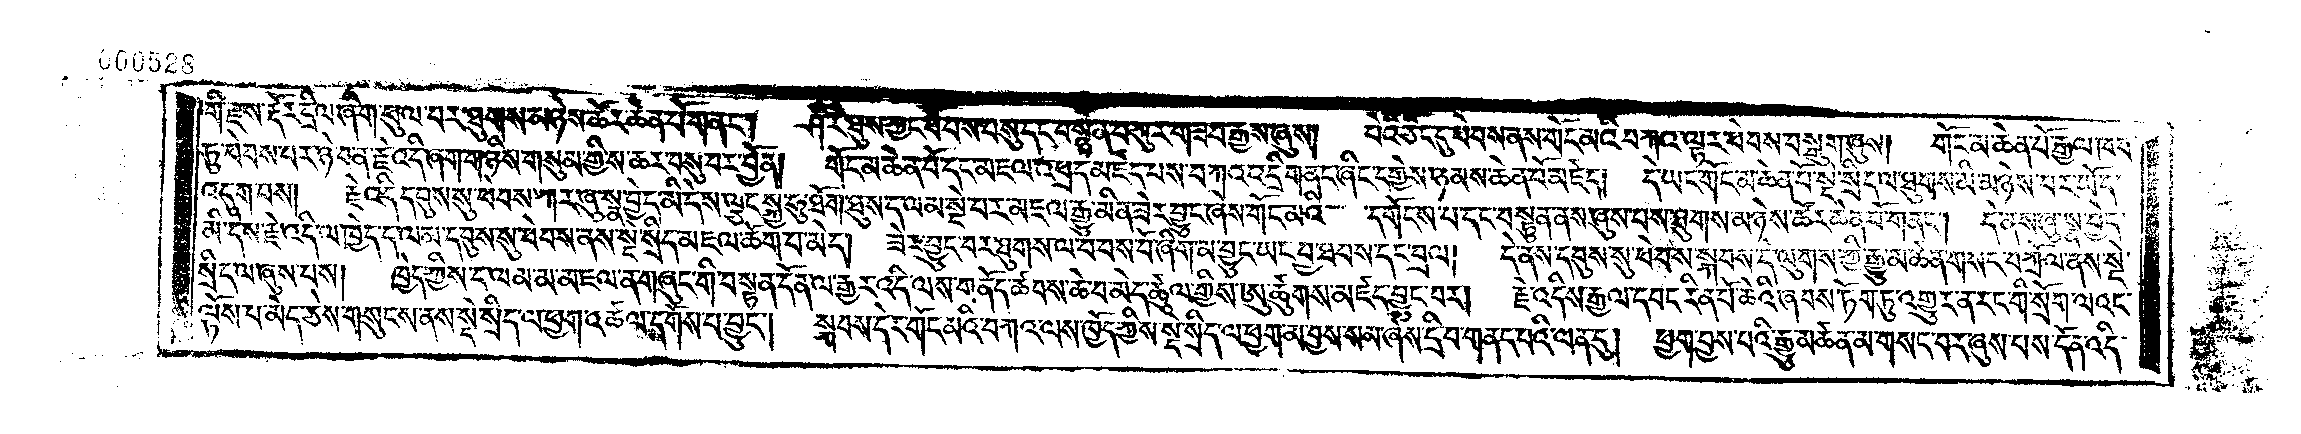གི་རྫས་རྡོར་དྲིལ་ཞིག་ཕུལ་བར་ཐུགས་མཉེས་ཚོར་ཆེན་པོ་གནང་། ཤི་རེ་ཐུས་ཀྱང་ཕེབས་བསུ་དང་བསྙེན་བཀུར་གཟབ་རྒྱས་ཞུས། པེའི་ཅིང་དུ་ཕེབས་ནས་གོང་མའི་བཀའ་ལྟར་ཕེབས་བསྒུག་ཞུས། གོང་མ་ཆེན་པོ་རྒྱལ་ཁབ་
ཏུ་ཕེབས་པར་ཉེ་བ་ན་རྗེ་འདི་ཞག་གཉིས་གསུམ་གྱི་ས་ཆར་བསུ་བར་བྱོན། གོང་མ་ཆེན་པོ་དང་མཇལ་འཕྲད་མཛད་པས་བཀའ་འདྲི་གནང་ཞིང་དགྱེས་ཉམས་ཆེན་པོ་མཛད། དེ་ཡང་གོང་མ་ཆེན་པོ་སྡེ་སྲིད་ལ་ཐུགས་མི་མཉེས་པར་ཡོད་
འདུག་པས། རྗེ་འདི་དབུས་སུ་ཕེབས་ཀར་ཞུ་སྣ་བྱེད་མི་དེས་ལྕང་སྐྱ་ཧུ་ཐོག་ཐུས་ད་ལམ་སྡེ་པར་མཇལ་རྒྱུ་མིན་ཟེར་བྱུང་ཞེས་གོང་མའི་དགོངས་པ་དང་བསྟུན་ནས་ཞུས་པས་ཐུགས་མཉེས་ཚོར་ཆེན་པོ་གནང་། དེ་ནས་ཞུ་སྣ་བྱེད་
མི་དེས་རྗེ་འདི་ལ་ཁྱེད་ད་ལམ་དབུས་སུ་ཕེབས་ནས་སྔེ་སྲིད་མཇལ་ཆོག་པ་མེད། ཟེར་བྱུང་བར་ཐུགས་ལ་བབས་པོ་ཞིག་མ་བྱུང་ཡང་བྱ་ཐབས་དང་བྲལ། དེ་ནས་དབུས་སུ་ཕེབས་སྐབས་དེ་ལུགས་ཀྱི་རྒྱུ་མཚན་གསང་བཀྲོལ་ནས་སྡེ་
སྲིད་ལ་ཞུས་པས། ཁྱེད་ཀྱིས་ད་ལམ་མ་མཇལ་ན་གཞུང་གི་བསྟན་དོན་ལ་རྒྱར་འདི་ལས་གནོད་ཚབས་ཆེ་བ་མེད་ཚུལ་གྱིས་ཨུ་ཚུགས་མཛད་བྱུང་བར། རྗེ་འདིས་རྒྱལ་དབང་རིན་པོ་ཆེའི་ཞབས་ཏོག་ཏུ་འགྱུར་ན་རང་གི་སྲོག་ལའང་
ལྟོས་པ་མེད་ཅེས་གསུངས་ནས་སྡེ་སྲིད་ལ་ཕྱག་འཚལ་དགོས་པ་བྱུང་། སྐབས་དེར་གོང་མའི་བཀའ་ལས་ཁྱོད་ཀྱིས་སྡེ་སྲིད་ལ་ཕྱག་མ་བྱས་སམ་ཞེས་དྲི་བ་གནང་པའི་ལན་དུ། ཕྱག་བྱས་པའི་རྒྱུ་མཚན་མ་གསང་བར་ཞུས་པས་དོན་འདི་